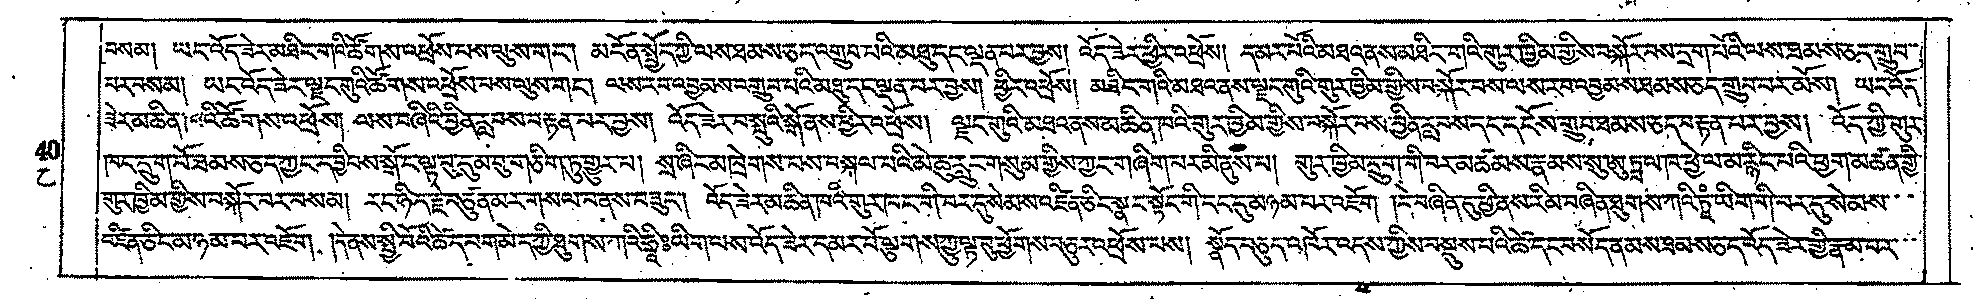བསམ། ཡང་འོད་ཟེར་མཐིང་གའི་ཚོགས་འཕྲོས་པས་ལུས་གང་། མངོན་སྤྱོད་ཀྱི་ལས་ཐམས་ཅད་འགྲུབ་པའི་མཐུ་དང་ལྡན་པར་བྱས། འོད་ཟེར་ཕྱིར་འཕྲོས། དམར་པོའི་མཐའ་ནས་མཐིང་གའི་གུར་ཁྱིམ་གྱིས་བསྐོར་བས་དྲག་པོའི་ལས་ཐམས་ཅད་གྲུབ་་་
པར་བསམ། ཡང་འོད་ཟེར་ལྗང་གུའི་ཚོགས་འཕྲོས་པས་ལུས་གང་། ལས་རབ་འབྱམས་འགྲུབ་པའི་མཐུ་དང་ལྡན་པར་བྱས། ཕྱིར་འཕྲོས། མཐིང་གའི་མཐའ་ནས་ལྗང་གུའི་གུར་ཁྱིམ་གྱིས་བསྐོར་བས་ལས་རབ་བྱམས་ཐམས་ཅད་གྲུབ་པར་མོས། ཡང་འོད་
ཟེར་མཆིན་ཁའི་ཚོགས་འཕྲོས། ལས་བཞིའི་བྱིན་བརླབས་བརྟེན་པར་བྱས། འོད་ཟེར་བ་སྤུའི་སྒོ་ནས་ཕྱིར་འཕྲོས། ལྗང་གུའི་མཐའ་ནས་མཆིན་ཁའི་གུར་ཁྱིམ་གྱིས་བསྐོར་བས་བྱིན་རླབས་དང་དངོས་གྲུབ་ཐམས་ཅད་བརྟེན་པར་བྱས། འོད་ཀྱི་གུར་
ཁང་དྲུག་པོ་ཐམས་ཅད་ཀྱང་དབྱིབས་སྒོ་ང་ལྟ་བུ་དུམ་བུ་གཅིག་ཏུ་གྱུར་པ། སྲ་ཞིང་མཁྲེག་པས་བསྐལ་པའི་མེ་ཆུ་རླུང་གསུམ་གྱིས་ཀྱང་གཞིག་པར་མི་ནུས་པ། གུར་ཁྱིམ་དྲུག་གི་བར་མཚམས་རྣམས་སུ་ཨུཏྤ་ལ་ཁ་ཕྱེ་ལ་མ་རྙིང་པའི་ཕྱག་མཚན་གྱི་
གུར་ཁྱིམ་གྱིས་བསྐོར་བར་བསམ། རང་ཉིད་རྗེ་བཙུན་མར་གསལ་བ་ནས་བཟུང་། འོད་ཟེར་མཆིན་ཁའི་གུར་ཁང་གི་བར་དུ་སེམས་འཛིན་ཅིང་སྣང་སྟོང་གི་ངང་དུ་མཉམ་པར་འཇོག །དེ་བཞིན་དུ་ཕྱི་ནས་རིམ་བཞིན་ཐུགས་ཀའི་ཏཱཾ་ཡིག་གི་བར་དུ་སེམྶ་་་
འཛིན་ཅིང་མཉམ་པར་འཇོག། །དེ་ནས་སྤྱི་བོའི་ཚེ་དཔག་མེད་ཀྱི་ཐུགས་ཀའི་ཧྲཱི༑ ཡིག་ལས་འོད་ཟེར་དམར་པོ་ལྕགས་ཀྱུ་ལྟ་བུ་ཕྱོགས་བཅུར་འཕྲོས་པ། སྣོད་བཅུད་འཁོར་འདས་ཀྱིས་བསྡུས་པའི་ཚེ་དང་བསོད་ནམས་ཐམས་ཅད་འོད་ཟེར་གྱི་རྣམ་བར་་་